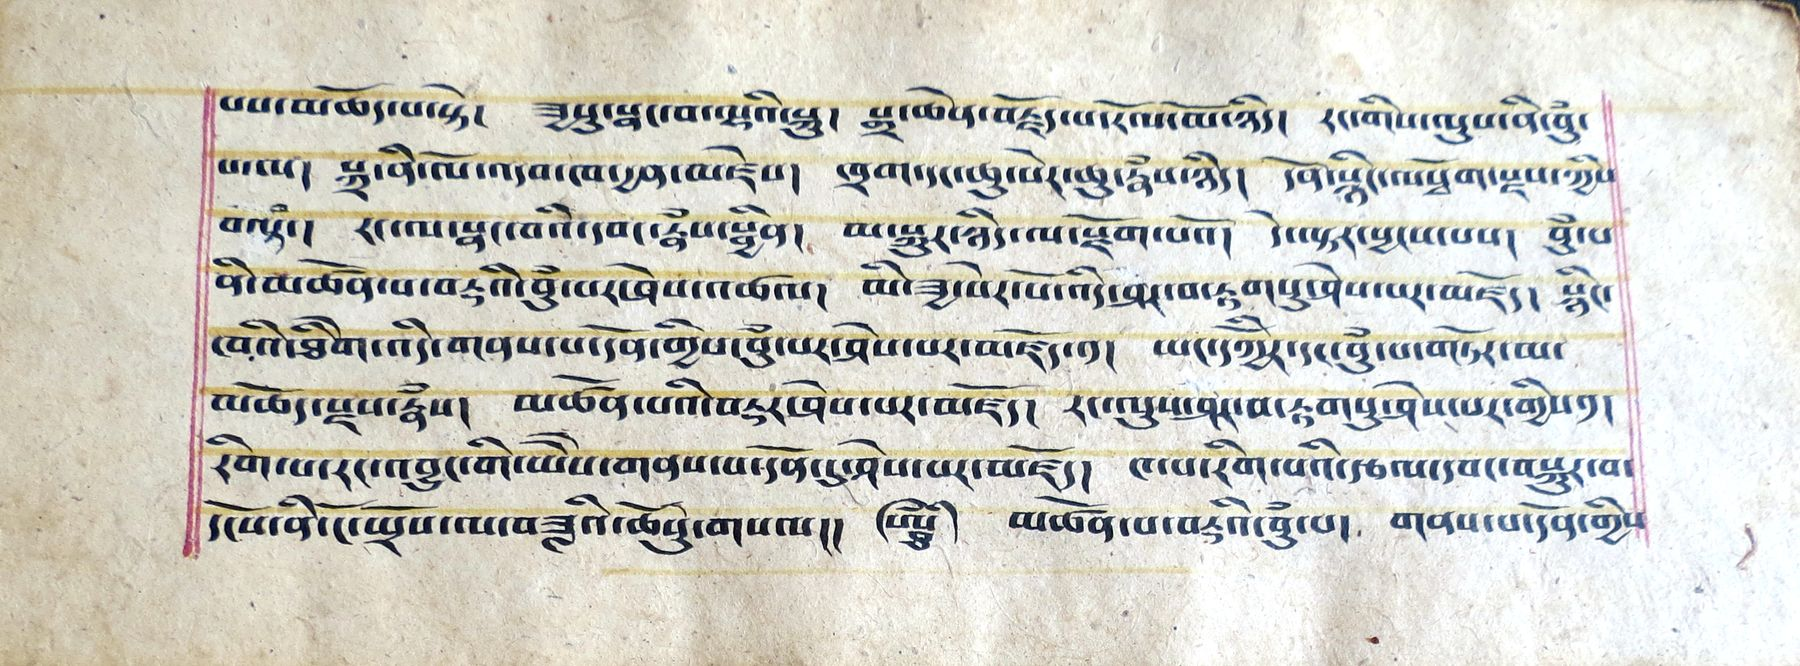པས་མཆོད་པ་སྟེ། གཟུགས་སྐུ་སྣང་བ་ལྷའི་སྐུ། སྒྲ་ཆེན་བརྗོད་པ་རོལ་མོ་ཉིད། རང་གི་ལུས་ནི་བུམ་
པ་ལ། སྐྲ་ནི་ལོ་འདབ་ཁ་རྒྱན་མཛེས། ཁྲག་དང་ཆུ་སེར་ཆུ་རྣམས་ཉིད། དོན་སྙིང་ལ་སོགས་རྫས་ཀྱིས་
བལྟམས། རང་ལ་སྣང་བའི་དབང་རྣམས་སྦྱིན། མ་བསྐུར་ཉིད་ལ་རྫོགས་པའོ། །དེ་ལྟར་གསུངས་པས། བུམ་པ་
ནི་མཚོན་པ་བརྡ་ཡི་བུམ་པར་ཤེས་འཚལ། མི་གཟུགས་སེར་པོ་འདི་ཤར་བ་རྟགས་སུ་ཤེས་པར་མཛོད། སྙིང་
གའི་ཐིག་ལེ་འདི་གནས་པ་དོན་གྱི་བུམ་པར་ཤེས་པར་མཛོད་ཅིག ཡང་དཀྱིལ་འཁོར་དང་བུམ་པ་གཏོར་མ་
མཆོད་རྫས་རྣམས། མཚོན་པར་བརྡར་ཤེས་པར་མཛོད། རང་ལུས་ཤར་བ་རྟགས་སུ་ཤེས་པར་གྱིས་ཤིག 
རིག་པ་རང་འབྱུང་གི་ཡེ་ཤེས་གནས་པ་དོན་དུ་ཤེས་པར་མཛོད། ། བཞི་པ་རིག་པའི་རྩལ་དབང་བསྐུར་བ་
དངོས་ནི་ངོ་སྤྲོད་ལ་ཟླའི་མཚམས་སུ་གསལ། ཨྠི། །མཚོན་པ་བརྡ་ཡི་བུམ་པ། གནས་པ་དོན་གྱིས་